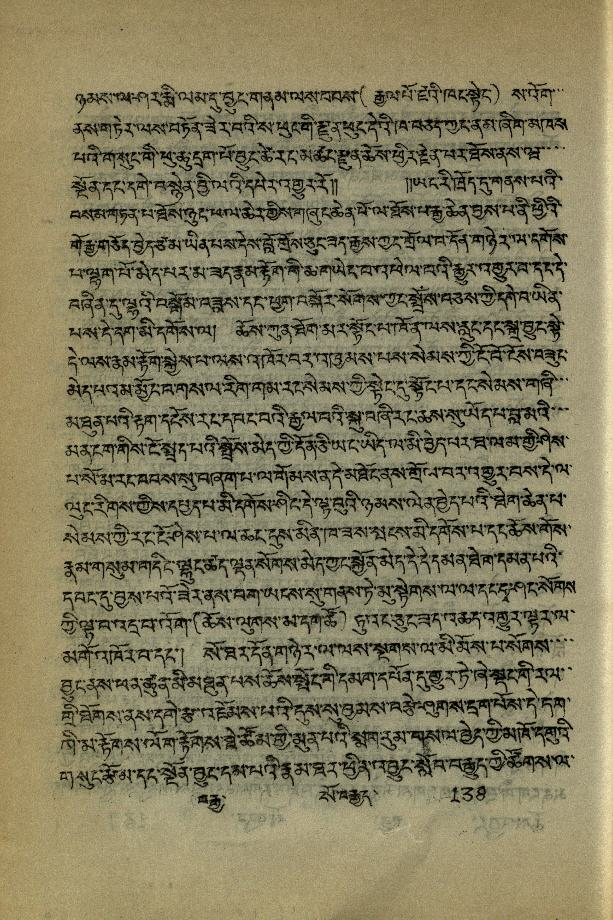ཉམས་ལ་ཤར་རྨི་ལམ་དུ་བྱུང་གནམ་ལས་བབས་རྒྱལ་པོ་ཛའི་ཁང་སྟེང་ས་འོག་
ནས་གཏེར་ལས་བཏོན་ཟེར་བའི་ས་ཕུང་གི་རྫུན་ཕུང་དེའི་ཁ་བཅད་ཀྱང་ནམ་ཞིག་མཁས་
པའི་གསུང་གི་ཕུ་ཆུ་དྲག་པོ་བྱུང་ཚེ་རང་མཚང་རྫུན་ཆོས་ཕྱིར་རྗེན་པར་ཐོས་ནས་ཝ་
སྔོན་དང་དགེ་བསྙེན་བྱི་ལའི་དཔེར་འགྱུར་རོ།། །།ཡང་རི་ཁྲོད་དུ་གནས་པའི་
བསམ་གཏན་པ་ཐོས་ཉུང་ཕལ་ཆེར་གྱིས་གཞུང་ཆེན་པོ་ལ་ཐོས་པ་རྒྱ་ཆེན་བྱས་པ་ནི་ཕྱིའི་
གོ་རྒྱ་གཅོད་བྱེད་ཙམ་ཡིན་པས་དེས་བློ་གྲོས་ཅུང་ཟད་རྒྱས་བྱང་རོལ་བ་དོན་གཉེར་ལ་དགོས་
པ་ལྷག་པོ་མེད་པར་མ་ཟད་རྣམ་རྟོག་གི་ཆ་གཡེང་བ་འཕེལ་བའི་རྒྱུར་འགྱུར་བ་དང་དེ་
བཞིན་དུ་ལྷའི་བསྒོམ་བཟླས་དང་ཕྱག་བསྐོར་སོགས་ཀྱང་སྤྲོས་བཅས་ཀྱི་དགེ་བ་ཡིན་
པས་དེ་དག་མི་དགོས་ལ། ཆོས་ཀུན་ཐོག་མར་སྟོང་པ་ཁོ་ན་ལས་རླུང་དང་སྒྲ་བྱུང་སྟེ་
དེ་ལས་རྣམ་རྟོག་སྐྱེས་པ་ལས་འཁོར་བར་འཁྱམས་པས་སེམས་ཀྱི་ངོ་བོ་ངོས་བཟུང་
མེད་པའམ་མྱོང་བ་གསལ་རིག་གམ་རང་སེམས་ཀྱི་སྟེང་དུ་སྟོང་པ་དང་སེམས་གཞི་
མཐུན་པའི་རྟག་དངོས་རང་དབང་བའི་རྒྱལ་བའི་སྐུ་བཞི་རང་ཆས་སུ་ཡོད་པ་བླ་མའི་
མན་ངག་གིས་ངོ་སྤྲད་པའི་སྤྲོས་མེད་ཀྱི་དོན་ཅི་ཡང་ཡིད་ལ་མི་བྱེད་པར་ཐ་ལམ་གྱི་ཤེས་
པ་སོ་མ་རང་བབས་སུ་བཞག་པ་ལ་གོམས་ནས་དེ་མཐོང་ནས་གྲོལ་བར་འགྱུར་བས་དེ་ལ་
ལུང་རིགས་ཀྱིས་དཔྱད་པ་མི་དགོས་ཤིང་དེ་ལྟ་བུའི་ཉམས་ལེན་བྱེད་པའི་ཐེག་ཆེན་པ་
སེམས་ཀྱི་རང་ངོ་ཤེས་པ་ལ་ཆང་དུས་མིན་ཁ་ཟས་སྤངས་མི་དགོས་པ་དང་ཆོས་གོས་
རྣམ་གསུམ་གདིང་ལྷུང་ཚད་ལྡན་སོགས་མེད་ཀྱང་སྐྱོན་མེད་དེ་དེ་དམན་ཐེག་དམན་པའི་
དབང་དུ་བྱས་པའོ་ཟེར་ནས་བག་ཡངས་སུ་གནས་ཏེ་མུ་སྟེགས་ལ་ལ་དང་ཧྭ་ཤང་སོགས་
ཀྱི་ལྟ་བ་འདྲ་བ་འོག་ཆོས་ལུགས་མ་དག་ཚོ་ཏུ་འང་ཅུང་ཟད་འཆད་འགྱུར་ལྟར་ལ་
མགོ་འཁོར་བ་དང་། སོ་ཐར་དོན་གཉེར་ལ་ལས་སྔགས་ལ་མི་མོས་པ་སོགས་
བྱུང་ནས་ཕན་ཚུན་མི་མཐུན་པས་ཆོས་སྤོང་གི་དམག་དཔོན་དུ་གྱུར་ཏེ་ཞེ་སྡང་གི་རལ་
གྲི་ཐོགས་ནས་དགེ་རྩ་འཇོམས་པའི་དུས་སུ་བྱམས་བརྩེ་ཤུགས་དྲག་པོས་དེ་དག་
ཀི་མ་རྟོགས་ལོག་རྟོགས་ཐེ་ཚོམ་གྱི་མུན་པའི་སྨག་རུམ་གསལ་བྱེད་ཀྱི་མཁོ་དགུའི་
གསུང་རྩོམ་དང་སྔོན་བྱུང་དམ་པའི་རྣམ་ཐར་ཕྱིན་འབྱུང་སློབ་བརྒྱུད་ཀྱི་ཚོགས་ལ་